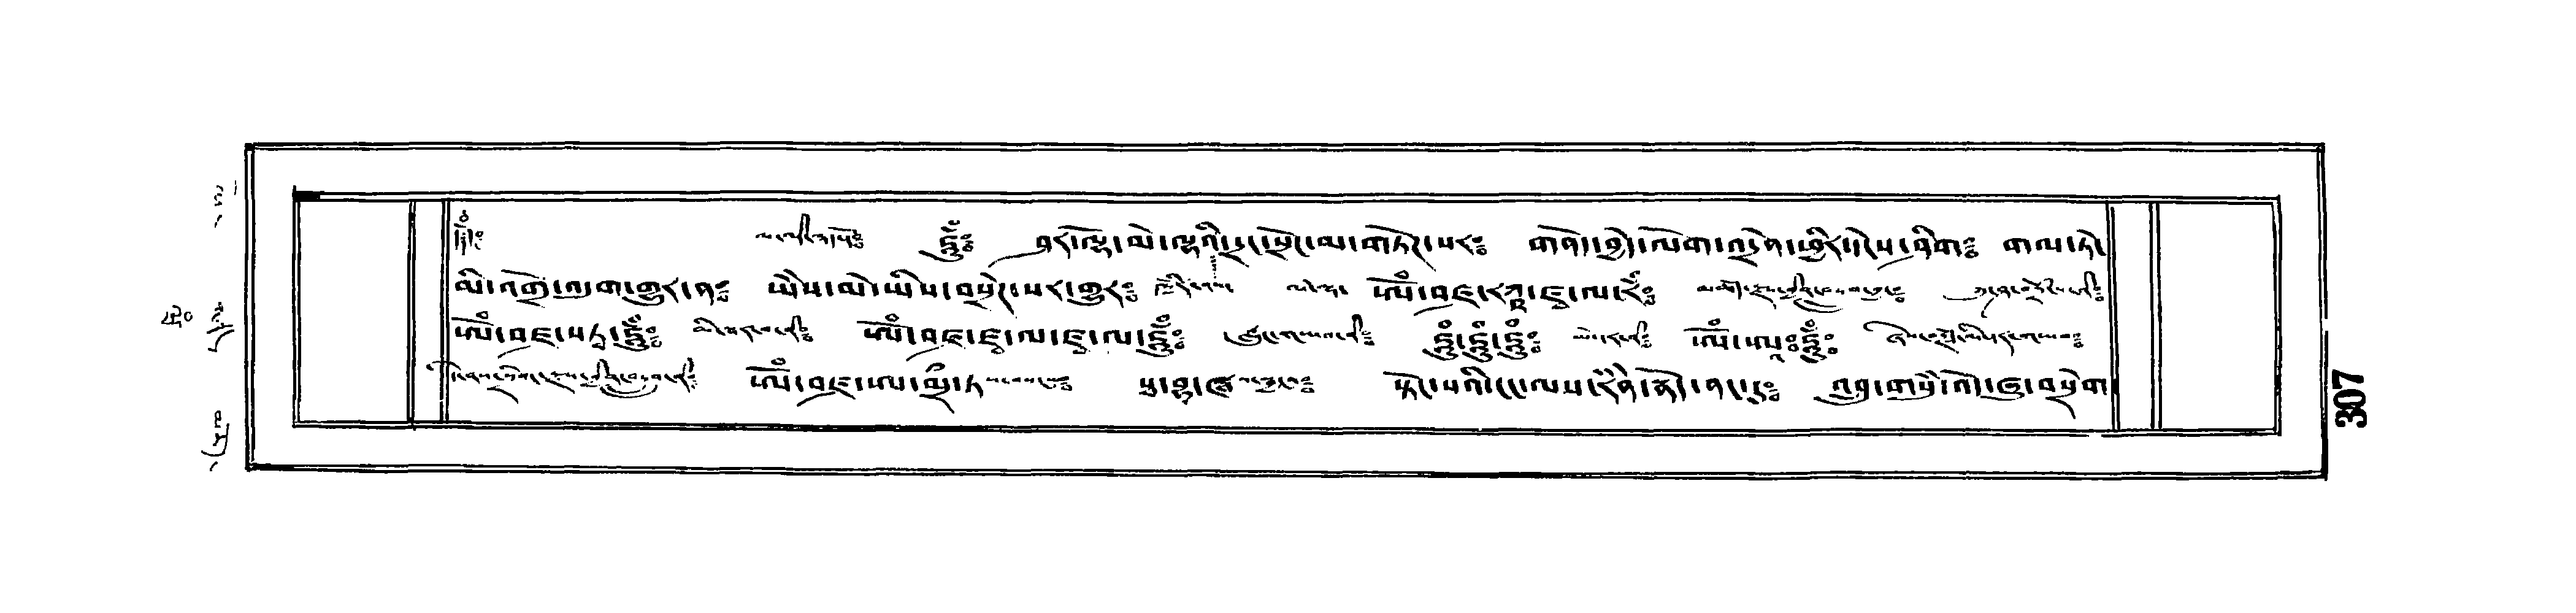ལ་འདི་སྐད་དོ༔ ཧཱུྃ༔ ཤར་ལྷོ་མེ་ལྷའི་དྲང་སྲོང་མ་གཏོགས་པར༔ གནོད་བྱེད་ལོག་འདྲེན་ཕྱིར་དེངས་ཤིག༔ གལ་ཏེ་
མི་འགྲོ་འདུག་གྱུར་ན༔ ཡེ་ཤེས་མེ་ཡིས་བསྲེགས་པར་གྱུར༔ ཨོཾ་བཛྲ་རཀྵ་ཛྭ་ལ་རྃ༔ མཆོད་རྫས་བྱིན་བརླབ་བྱ༔ ཀུ་ཤ་བཀྲམ་པ་ནི༔ 
ཨོཾ་བཛྲ་སཏྭ་ཧཱུྃ༔ མེ་སྦར་བ་ནི༔ ཨོཾ་བཛྲ་ཛྭ་ལ་ཛྭ་ལ་ཧཱུྃ༔ རླུང་གཡབ་ནི༔ ཧཱུྃ་ཧཱུྃ་ཧཱུྃ༔ མེ་དར་ནི༔ ཨོཾ་ཨཱཿཧཱུྃ༔ ཞེས་བརྗོད་མེ་དར་གཡབ༔ 
དེ་ནས་སྲེག་རྫས་བྱིན་བརླབ་ནི༔ ཨོཾ་བཛྲ་ཨ་མྲྀ་ཏས་བསངས༔ སྭ་བྷཱ་ཝས་སྦྱངས༔ སྟོང་པའི་ངང་ལས་རིན་ཆེན་སྣོད་ནང་དུ༔ འབྲུ་གསུམ་འོད་ཞུ་བསྲེག་